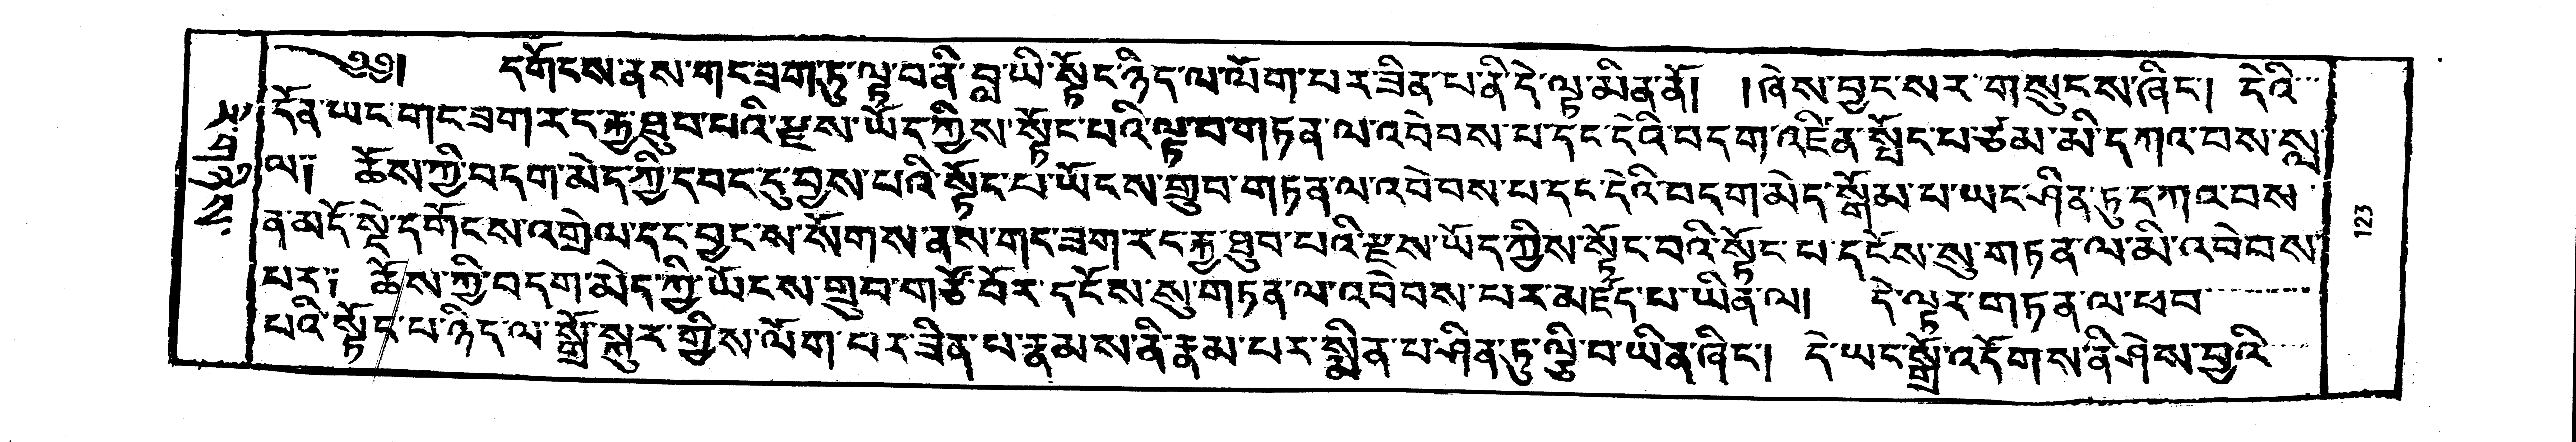༄༅། །དགོངས་ནས་གང་ཟག་ཏུ་ལྟ་བ་ནི་བླ་ཡི་སྟོང་ཉིད་ལ་ལོག་པར་ཟིན་པ་ནི་དེ་ལྟ་མིན་ནོ། །ཞེས་བྱང་སར་གསུངས་ཞིང་། དེའི་
དོན་ཡང་གང་ཟག་རང་རྐྱ་ཐུབ་པའི་རྫས་ཡོད་ཀྱིས་སྟོང་པའི་ལྟ་བ་གཏན་ལ་འབེབས་པ་དང་དེའི་བདག་འཛིན་སྤོང་པ་ཙམ་མི་དཀའ་བས་སླ་
ལ༑ ཆོས་ཀྱི་བདག་མེད་ཀྱི་དབང་དུ་བྱས་པའི་སྟོང་པ་ཡོངས་གྲུབ་གཏན་ལ་འབེབས་པ་དང་དེའི་བདག་མེད་སྒོམ་པ་ཡང་ཤིན་ཏུ་དཀའ་བས་
ན་མདོ་སྡེ་དགོངས་འགྲེལ་དང་བྱང་ས་སོགས་ནས་གང་ཟག་རང་རྐྱ་ཐུབ་པའི་རྫས་ཡོད་ཀྱིས་སྟོང་པའི་སྟོང་པ་དངོས་སུ་གཏན་ལ་མི་འབེབས་
པར༑ ཆོས་ཀྱི་བདག་མེད་ཀྱི་ཡོངས་གྲུབ་གཙོ་བོར་དངོས་སུ་གཏན་ལ་འབེབས་པར་མཛད་པ་ཡིན་ལ། དེ་ལྟར་གཏན་ལ་ཕབ་
པའི་སྟོང་པ་ཉིད་ལ་སྒྲོ་སྐུར་གྱིས་ལོག་པར་ཟིན་པ་རྣམས་ནི་རྣམ་པར་སྨིན་པ་ཤིན་ཏུ་ལྕི་བ་ཡིན་ཞིང་། དེ་ཡང་སྒྲོ་འདོགས་ནི་ཤེས་བྱའི་